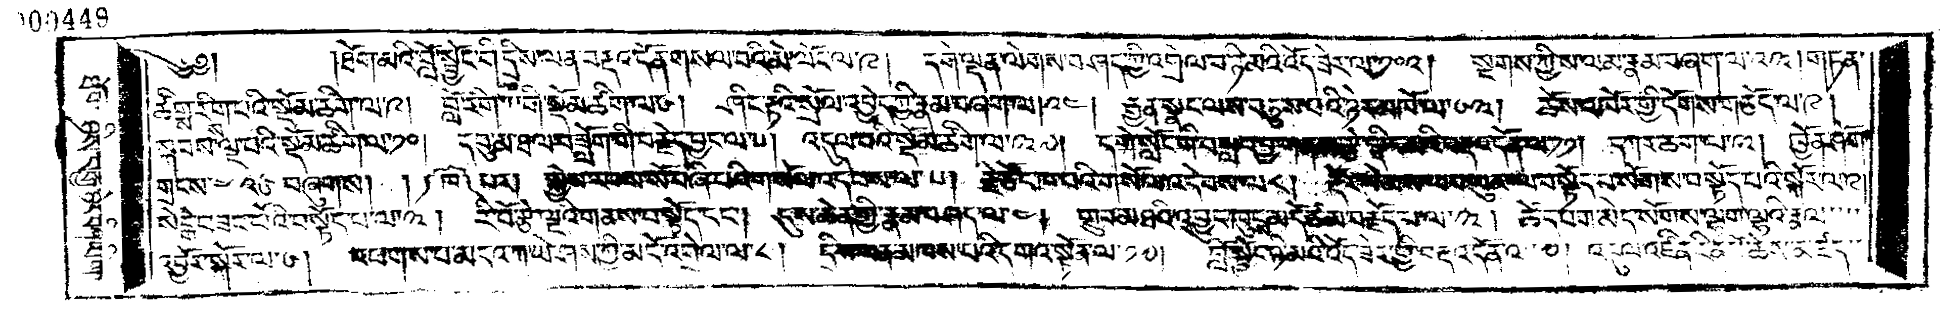༄༅། །ཐོག་མའི་བློ་སྦྱོང་གི་དྲིས་ལན་བརྡའ་དོན་གསལ་བའི་མེ་ལོང་ལ༩། དགེ་ལྡན་ལེགས་བཤད་ཀྱི་འགྲེལ་བ་ཉི་མའི་འོད་ཟེར་ལ ༡༠༢། སྔགས་ཀྱི་ས་ལམ་རྣམ་བཞག་ལ ༢༣། གཏན་
ཚིགས་རིགས་པའི་སྡོམ་ཚིག་ལ༩། བློ་རིག་གི་སྡོམ་ཚིག་ལ ༦། ཤིང་རྟའི་སྲོལ་འབྱེད་ཀྱི་རྣམ་བཞག་ལ། ༢༤། རྒྱན་སྣང་ལས་བཏུས་པའི་ཉེར་མཁོ་ལ༦༣། ཆོ་འཁོར་གྱི་དོགས་གཅོད་ལ༩།
སྐབས་ལྔ་པའི་སྡོམ་ཚིག་ལ ༡༠། དབུ་མ་ཐལ་བཟློག་གི་བརྗེད་བྱང་ལ ༥། འདུལ་བའི་སྡོམ་ཚིག་ལ ༣༧། དགེ་སློང་གི་བསླབ་བྱ་གནམ་རྩེ་ལྡིང་མའི་བརྡའི་དོན་ལ༡༡། དཀར་ཆག་ལ ༣། ཁྱོན་ཤོག་
གྲངས༤༢༦་བཞུགས། །༼ཁ༽ པར། སྐྱེས་རབས་སོ་བཞི་པའི་གསོལ་འདེབས་ལ༥། རྗེ་ཙོང་ཁ་པའི་གསོལ་འདེབས་ལ༨། རྡོར་སེམས་ཡབ་ཡུམ་ལ་བསྟོད་པ་སོགས་བསྟོད་པའི་སྐོར་ལ༩།
སེངྒེ་བཟང་པོའི་བསྟོད་པ་ལ༣། རི་བོ་རྩེ་ལྔའི་གནས་བསྟོད་དང་། དུས་ཆེན་གྱི་རྣམ་བཤད་ལ༤། གྲུབ་མཐའི་འབྱུང་ཁུངས་མདོ་ཙམ་བརྗོད་པ་ལ ༣། ཚེ་དཔག་མེད་སོགས་ལྷག་ལྷའི་རྣལ་
འབྱོར་སྐོར་ལ ༦། འཕགས་པ་མདའ་ཀ་ཡེ་ཤེས་ཀྱི་མདོ་འགྲེལ་ལ༨། དྲིས་ལན་མཁས་པའི་དགའ་སྟོན་ལ ༡༧། གློ་སྦྱོང་ཉི་མའི་འོད་ཟེར་གྱི་བརྡའ་དོན་ལ ༧། འདུལ་འཛིན་རིན་པོ་ཆེས་མཛད་